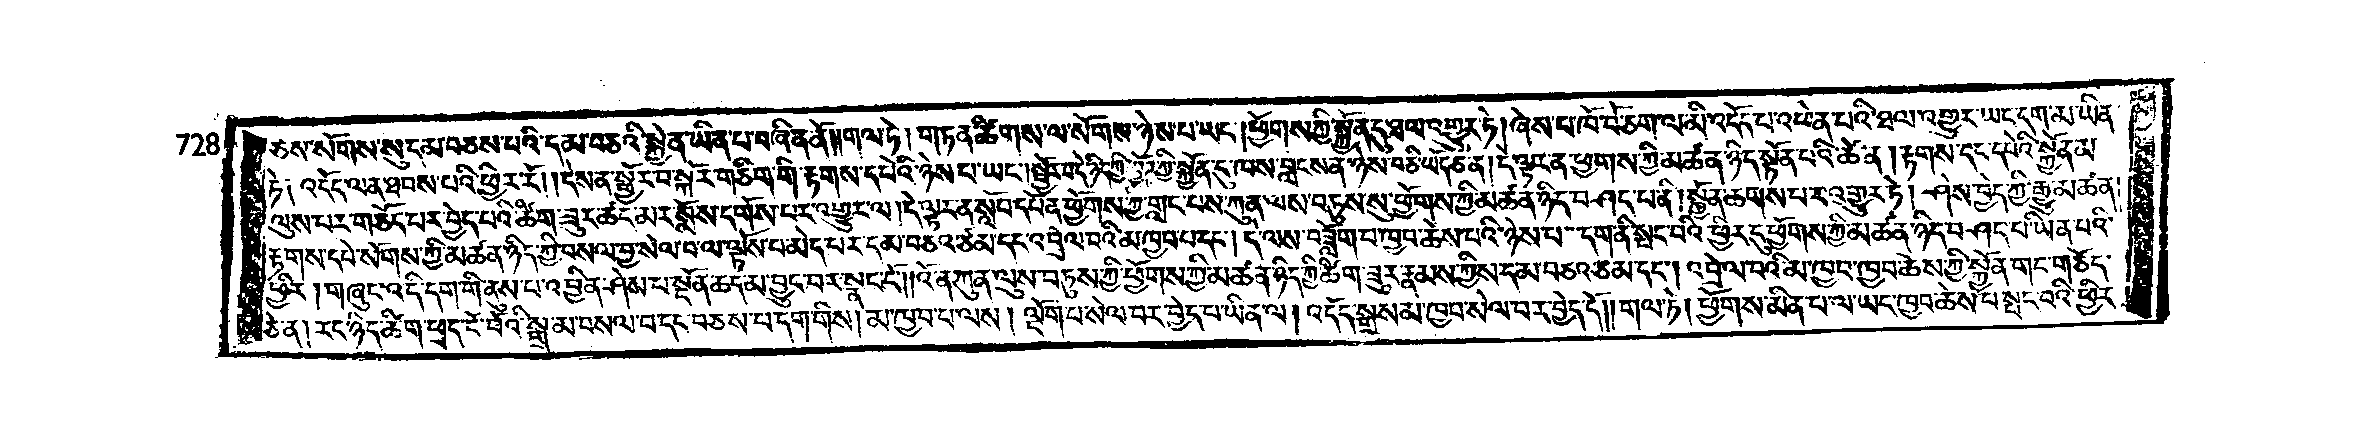ཅས་སོགས་སུ་དམ་བཅས་པའི་དམ་བཅའི་སྐྱོན་ཡིན་པ་བཞིན་ནོ། །གལ་ཏེ། གཏན་ཚིགས་ལ་སོགས་ཉེས་པ་ཡང་། ཕྱོགས་ཀྱི་སྐྱོན་དུ་ཐལ་འགྱུར་ཏེ། ཞེས་པ་ཁོ་བོ་ཅག་ལ་མི་འདོད་པ་འཕེན་པའི་ཐལ་འགྱུར་ཡང་དག་མ་ཡིན་
ཏེ། འདོད་ལན་ཐབས་པའི་ཕྱིར་རོ། །དེས་ན་སྦྱོར་བ་སྐོར་གཅིག་གི་རྟགས་དཔེའི་ཉེས་པ་ཡང་། སྦྱོར་བ་དེ་ཉིད་ཀྱི་ཕྱོགས་ཀྱི་སྐྱོན་དུ་ཁས་བླངས་ན་ཉེས་པ་ཅི་ཡོད་ཅེ་ན། དེ་ལྟར་ན་ཕྱོགས་ཀྱི་མཚན་ཉིད་སྟོན་པའི་ཚེ་ན། རྟགས་དང་དཔེའི་སྐྱོན་མ་
ལུས་པར་གཅོད་པར་བྱེད་པའི་ཚིག་ཟུར་ཚད་མར་སྨོས་དགོས་པར་འགྱུར་ལ། དེ་ལྟར་ན་སློབ་དཔོན་ཕྱོགས་ཀྱི་གླང་པས་ཀུན་ལས་བཏུས་སུ་ཕྱོགས་ཀྱི་མཚན་ཉིད་བཤད་པ་ནི། སྐྱོན་ཆགས་པར་འགྱུར་ཏེ། ཤེས་བྱེད་ཀྱི་རྒྱུ་མཚན།
རྟགས་དཔེ་སོགས་ཀྱི་མཚན་ཉིད་ཀྱི་བསལ་བྱ་སེལ་བ་ལ་ལྟོས་པ་མེད་པར་དམ་བཅའ་ཙམ་དང་འབྲེལ་བའི་མར་ཁྱབ་པ་དང་། དེ་ལས་བཟློག་པ་ཁྱབ་ཆེས་པའི་ཉེས་པ་དག་ནི་སྤང་བའི་ཕྱིར་དུ་ཕྱོགས་ཀྱི་མཚན་ཉིད་བཤད་པ་ཡིན་པའི་
ཕྱིར། གཞུང་འདི་དག་གི་ནུས་པ་འབྱིན་ཤེས་པ་སྔོན་ཆད་མ་བྱུང་བར་སྣང་ངོ། །འོ་ན་ཀུན་ལུས་བཏུས་ཀྱི་ཕྱོགས་ཀྱི་མཚན་ཉིད་ཀྱི་ཚིག་ཟུར་རྣམས་ཀྱིས་དམ་བཅའ་ཙམ་དང་། འབྲེལ་བའི་མ་ཁྱབ་ཁྱབ་ཆེས་ཀྱི་སྐྱོན་གང་གཅོད་
ཅེ་ན། རང་ཉིད་ཚིག་ཕྲད་ངོ་བོའི་སྒྲ་མ་བསལ་བ་དང་བཅས་པ་དག་གིས། མ་ཁྱབ་པ་ལས། ལྡོག་པ་སེལ་བར་བྱེད་པ་ཡིན་ལ། འདོད་སྒྲས་མ་ཁྱབ་སེལ་བར་བྱེད་དོ། །གལ་ཏེ། ཕྱོགས་མིན་པ་ལ་ཡང་ཁྱབ་ཆེས་པ་སྤང་པའི་ཕྱིར་